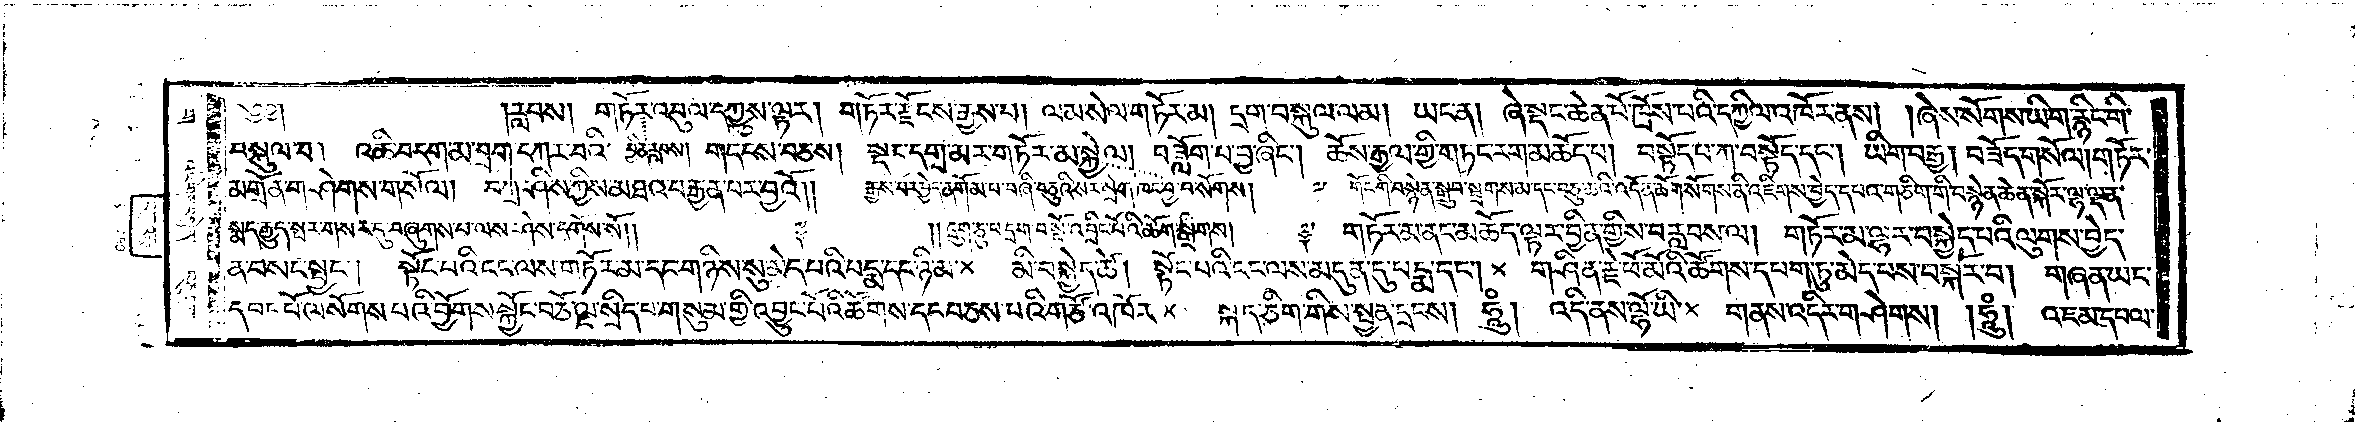༄༅། །རླབས། གཏོར་བྱིན་རྟླབས།  འབུལ་དཀྱུས་ལྟར། གཏོར་རྫོངས་རྒྱས་པ། ལམ་སེལ་གཏོར་མ། དྲག་བསྐུལ་ལམ། ཡང་ན། ཞེ་སྡང་ཆེན་པོ་ཁྲོས་པའི་དཀྱིལ་འཁོར་ནས། །ཞེས་སོགས་ཡིག་རྙིང་གི་
བསྐུལ་བ། འཆི་བདག་མ་བྲག་དཀར་བའི་གདངས་བཅས། སྡང་དགྲ་མར་གཏོར་མ་སྐྱེལ། རྒྱས་པར་བྱེད་ན་གོམ་པ་བཞི་བཅུའི་སར་སྲེག་ཁང་བྱ་བ་སོགས།  བཟློག་པ་བྱ་ཞིང་། ཆོས་རྒྱལ་གྱི་གཏང་རག་མཆོད་པ། བསྟོད་པ་ཀ་བསྟོད་དང་། ཡིག་བརྒྱ། བཟོད་གསོལ། གཏོར་
མགྲོན་གཤེགས་གསོལ། དཀྲ་ཤིས་ཀྱིས་མཐའ་བརྒྱན་བར་བྱའོ། ༧་གོང་གི་བསྙེན་སྒྲུབ་སྦྲགས་མ་དང་བཅུ་མའི་འདོན་ཆོག་སོགས་ནི་འཇིགས་བྱེད་དཔའ་གཅིག་གི་བསྙེན་ཆེན་སྐོར་ལྷ་ལྷན་
སྨད་རྒྱུད་སྤར་གསར་དུ་བཞུགས་པ་ལས་ཤེས་དགོས་སོ།། ༈ །།དྲུག་ཅུ་བ་དྲག་བསྔོ་འབྲིང་པོའི་ཆོག་སྒྲིགས། ༈ གཏོར་མ་ནང་མཆོད་ལྟར་བྱིན་གྱིས་བརླབས་ལ། གཏོར་མ་ལྷར་བསྐྱེད་པའི་ལུགས་བྱེད་
ན་བསང་སྦྱང་། སྟོང་པའི་ངང་ལས་གཏོར་མ་དང་གཉིས་སུ་མེད་པའི་པདམ་དང་ཉི་མ་྾་མི་བསྐྱེད་ཚེ། སྟོང་པའི་ངང་ལས་མདུན་དུ་པདམ་དང་། ྾་གཤིན་རྗེ་ཕོ་མོའི་ཚོགས་དཔག་ཏུ་མེད་པས་བསྐོར་བ། གཞན་ཡང་
དབང་པོ་ལ་སོགས་པའི་བྱོགས་སྐྱོང་བཅོ་ལྔ་སྲིད་པ་གསུམ་གྱི་འབྱུང་པོའི་ཚོགས་དང་བཅས་པའི་གཙོ་འཁོར་྾་སྐད་ཅིག་གིས་སྤྱན་དྲངས། ཧཱུཾ། འདི་ནས་ལྷོ་ཡི་྾་གནས་འདིར་གཤེགས། ཧཱུཾ། འཇམ་དཔལ་